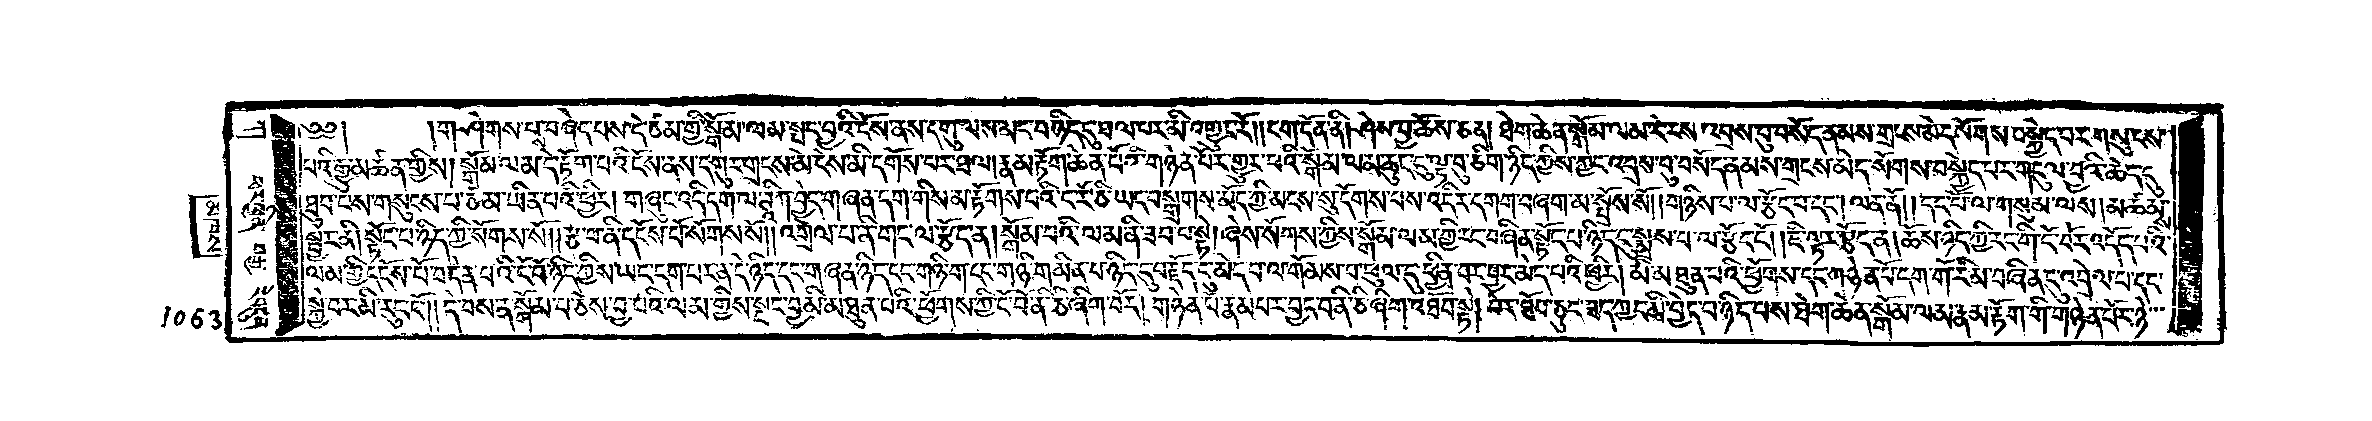༄༅། །གཤེགས་པས་བཞེད་པས་དེ་ཙམ་གྱི་སྒོམ་ལམ་སྤང་བྱའི་ངོས་ནས་དགུ་ལས་མང་བ་ཉིད་དུ་ཐལ་བར་མི་འགྱུར་རོ། །ངག་དོན་ནི། ཤེས་བྱ་ཆོས་ཅན། ཐེག་ཆེན་སྒོམ་ལམ་རེ་རས་འབྲས་བུ་བསོད་ནམས་གྲངས་མེད་སོགས་བསྐྱེད་པར་གསུངས་
པའི་རྒྱུ་མཚན་གྱིས། སྒོམ་ལམ་དེ་རྟོག་པའི་ངོས་ནས་དགུར་གྲངས་མེ་ངེས་མི་དགོས་པར་ཐལ། རྣམ་རྟོག་ཆེན་པོའི་གཉེན་པོར་གྱུར་པའི་སྒོམ་ལམ་ཆུང་ངུ་ལྟ་བུ་ཅིག་ཉིད་ཀྱིས་ཀྱང་འབྲས་བུ་བསོད་ནམས་གྲངས་མེད་སོགས་བསྐྱེད་པར་གདུལ་བྱའི་ཆེད་དུ་
ཐུབ་པས་གསུངས་པ་ཙམ་ཡིན་པའི་ཕྱིར། གཞུང་འདི་དག་ལ་ཊཱིཀ་བྱེད་གཞན་དག་གིས་མ་རྟོགས་པའི་ང་རོ་ཅི་ཡང་བསྒྲགས་མོད་ཀྱི་མངས་སུ་དོགས་པས་འདིར་དགག་བཞག་མ་སྤྲོས་སོ། །གཉིས་པ་ལ་རྩོད་པ་དང་། ལན་ནོ། །དང་པོ་ལ་གསུམ་ལས། མཚམས་
སྦྱར་ནི། སྟོང་པ་ཉིད་ཀྱི་སོགས་སོ། །རྩ་བ་ནི་དངོས་པོ་སོགས་སོ། །འགྲེལ་པ་ནི་གང་ལ་རྩོད་ན། སྒོམ་པའི་ལམ་ནི་ཟབ་པ་སྟེ། ཞེས་སོགས་ཀྱིས་སྒོམ་ལམ་གྱི་རང་བཞིན་སྟོང་པ་ཉིད་དུ་སྨྲས་པ་ལ་རྩོད་ངོ། །ཇི་ལྟར་རྩོད་ན། ཆོས་ཉིད་ཀྱི་རང་གི་ངོ་བོར་འདོད་པའི་
ལམ་གྱི་དངོས་པོ་བདེན་པའི་ངོ་བོ་ཉིད་ཀྱིས་ཡང་དག་པར་ན་དེ་ཉིད་དང་གཞན་ཉིད་དང་གཉི་ག་དང་གཉི་ག་མིན་པ་ཉིད་དུ་བརྗོད་དུ་མེད་པ་ལ་གོམས་པ་ཕུལ་དུ་ཕྱིན་པར་བྱར་མེད་པའི་ཕྱིར། མི་མཐུན་པའི་ཕྱོགས་དང་གཉེན་པོ་དག་གོ་རིམ་བཞིན་དུ་འབྲེལ་པ་དང་
སྐྱེ་བར་མི་རུང་ངོ། །དེ་བས་ན་སྒོམ་པ་ཅེས་བྱ་བའི་ལམ་གྱིས་སྔང་བྱ་མི་མཐུན་པའི་ཕྱོགས་ཀྱི་ངོ་བོ་ནི་ཅི་ཞིག་བོར། གཉེན་པོ་རྣམ་པར་བྱང་བ་ནི་ཅི་ཞིག་འཐོབ་སྟེ། བེར་ཐོབ་ཅུང་ཟད་ཀྱང་མི་བྱེད་པ་ཉིད་པས་ཐེག་ཆེན་སྒོམ་ལམ་རྣམ་རྟོག་གི་གཉེན་པོར་ཉེ་